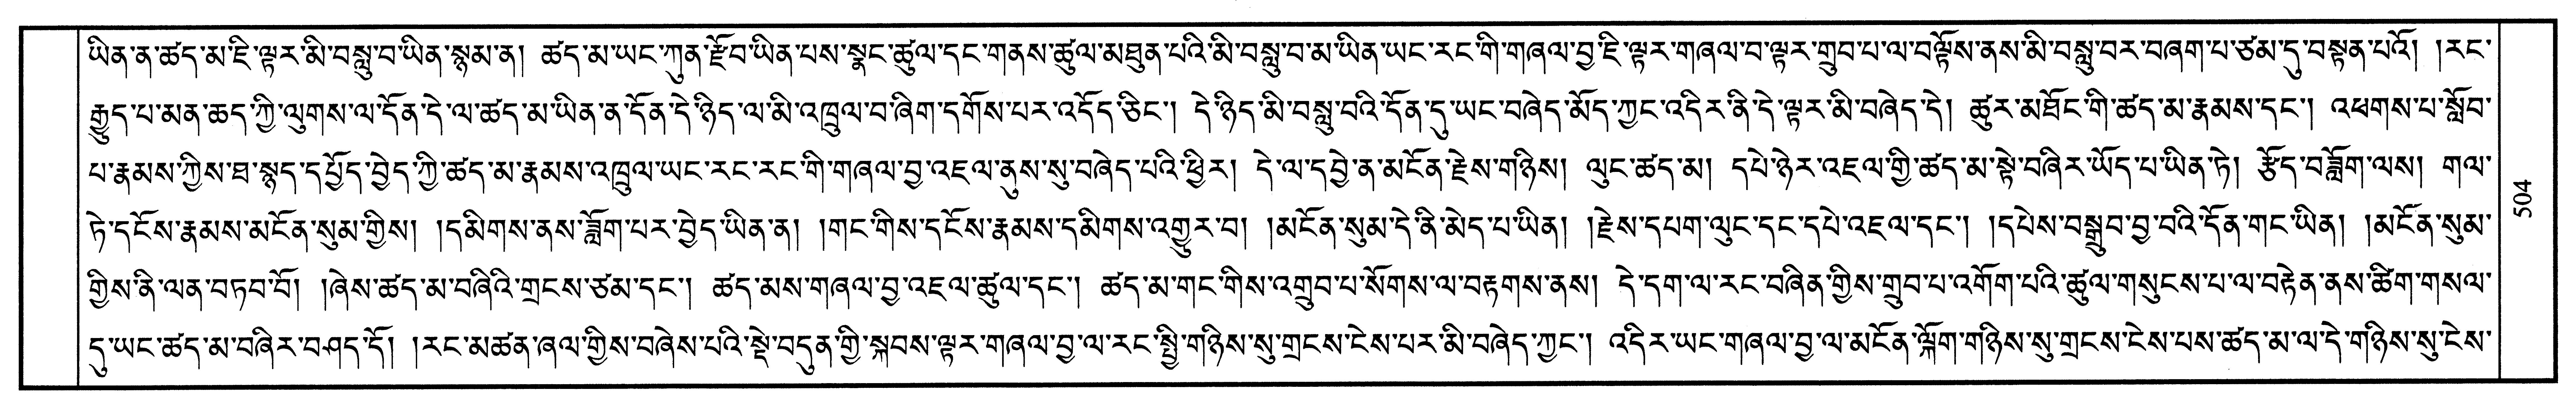ཡིན་ན་ཚད་མ་ཇི་ལྟར་མི་བསླུ་བ་ཡིན་སྙམ་ན། ཚད་མ་ཡང་ཀུན་རྫོབ་ཡིན་པས་སྣང་ཚུལ་དང་གནས་ཚུལ་མཐུན་པའི་མི་བསླུ་བ་མ་ཡིན་ཡང་རང་གི་གཞལ་བྱ་ཇི་ལྟར་གཞལ་བ་ལྟར་གྲུབ་པ་ལ་བལྟོས་ནས་མི་བསླུ་བར་བཞག་པ་ཙམ་དུ་བསྟན་པའོ། །རང་
རྒྱུད་པ་མན་ཆད་ཀྱི་ལུགས་ལ་དོན་དེ་ལ་ཚད་མ་ཡིན་ན་དོན་དེ་ཉིད་ལ་མི་འཁྲུལ་བ་ཞིག་དགོས་པར་འདོད་ཅིང་། དེ་ཉིད་མི་བསླུ་བའི་དོན་དུ་ཡང་བཞེད་མོད་ཀྱང་འདིར་ནི་དེ་ལྟར་མི་བཞེད་དེ། ཚུར་མཐོང་གི་ཚད་མ་རྣམས་དང་། འཕགས་པ་སློབ་
པ་རྣམས་ཀྱིས་ཐ་སྙད་དཔྱོད་བྱེད་ཀྱི་ཚད་མ་རྣམས་འཁྲུལ་ཡང་རང་རང་གི་གཞལ་བྱ་འཇལ་ནུས་སུ་བཞེད་པའི་ཕྱིར། དེ་ལ་དབྱེ་ན་མངོན་རྗེས་གཉིས། ལུང་ཚད་མ། དཔེ་ཉེར་འཇལ་གྱི་ཚད་མ་སྟེ་བཞིར་ཡོད་པ་ཡིན་ཏེ། རྩོད་བཟློག་ལས། གལ་
ཏེ་དངོས་རྣམས་མངོན་སུམ་གྱིས། །དམིགས་ནས་ཟློག་པར་བྱེད་ཡིན་ན། །གང་གིས་དངོས་རྣམས་དམིགས་འགྱུར་བ། །མངོན་སུམ་དེ་ནི་མེད་པ་ཡིན། །རྗེས་དཔག་ལུང་དང་དཔེ་འཇལ་དང་། །དཔེས་བསྒྲུབ་བྱ་བའི་དོན་གང་ཡིན། །མངོན་སུམ་
གྱིས་ནི་ལན་བཏབ་བོ། །ཞེས་ཚད་མ་བཞིའི་གྲངས་ཙམ་དང་། ཚད་མས་གཞལ་བྱ་འཇལ་ཚུལ་དང་། ཚད་མ་གང་གིས་འགྲུབ་པ་སོགས་ལ་བརྟགས་ནས། དེ་དག་ལ་རང་བཞིན་གྱིས་གྲུབ་པ་འགོག་པའི་ཚུལ་གསུངས་པ་ལ་བརྟེན་ནས་ཚིག་གསལ་
དུ་ཡང་ཚད་མ་བཞིར་བཤད་དོ། །རང་མཚན་ཞལ་གྱིས་བཞེས་པའི་སྡེ་བདུན་གྱི་སྐབས་ལྟར་གཞལ་བྱ་ལ་རང་སྤྱི་གཉིས་སུ་གྲངས་ངེས་པར་མི་བཞེད་ཀྱང་། འདིར་ཡང་གཞལ་བྱ་ལ་མངོན་ལྐོག་གཉིས་སུ་གྲངས་ངེས་པས་ཚད་མ་ལ་དེ་གཉིས་སུ་ངེས་